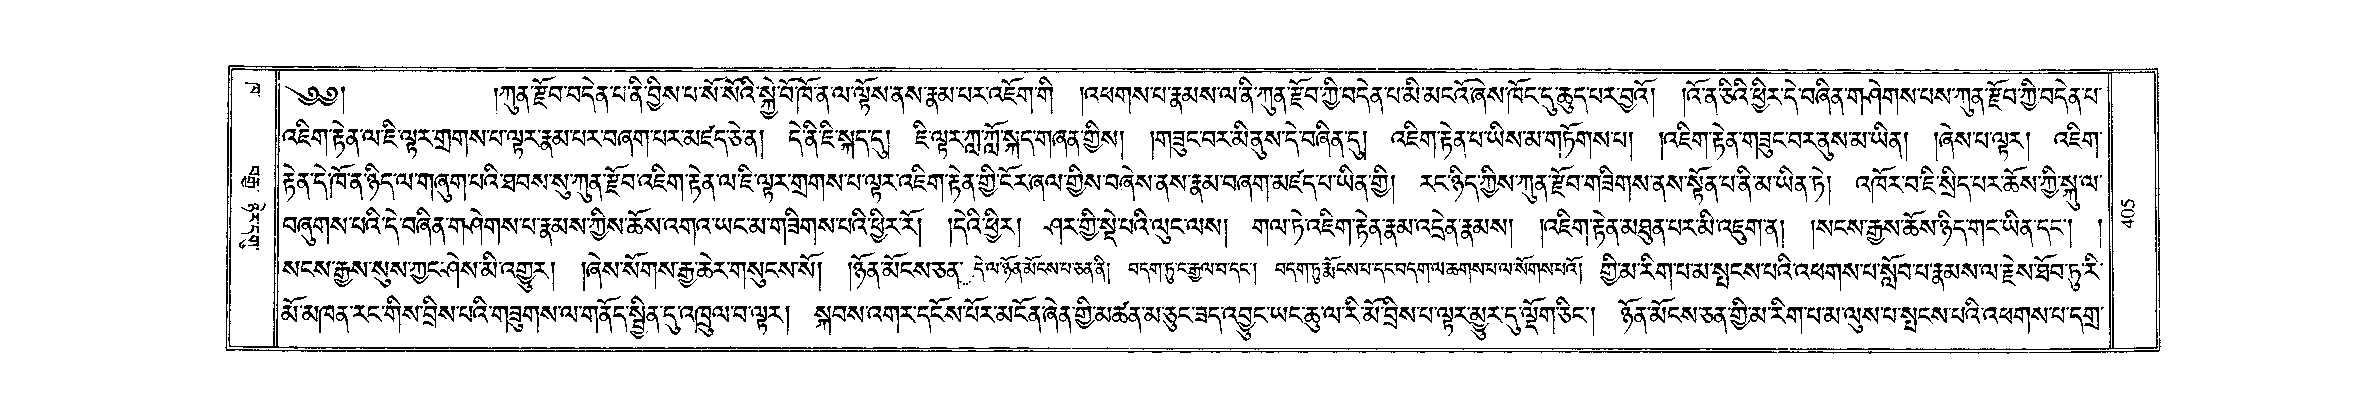༄༅། །ཀུན་རྫོབ་བདེན་པ་ནི་བྱིས་པ་སོ་སོའི་སྐྱེ་བོ་ཁོ་ན་ལ་ལྟོས་ནས་རྣམ་པར་འཇོག་གི །འཕགས་པ་རྣམས་ལ་ནི་ཀུན་རྫོབ་ཀྱི་བདེན་པ་མི་མངའོ་ཞེས་ཁོང་དུ་ཆུད་པར་བྱའོ། །འོ་ན་ཅིའི་ཕྱིར་དེ་བཞིན་གཤེགས་པས་ཀུན་རྫོབ་ཀྱི་བདེན་པ་
འཇིག་རྟེན་ལ་ཇི་ལྟར་གྲགས་པ་ལྟར་རྣམ་པར་བཞག་པར་མཛད་ཅེ་ན། དེ་ནི་ཇི་སྐད་དུ། ཇི་ལྟར་ཀླ་ཀློ་སྐད་གཞན་གྱིས། །གཟུང་བར་མི་ནུས་དེ་བཞིན་དུ། འཇིག་རྟེན་པ་ཡིས་མ་གཏོགས་པ། །འཇིག་རྟེན་གཟུང་བར་ནུས་མ་ཡིན། །ཞེས་པ་ལྟར། འཇིག་
རྟེན་དེ་ཁོ་ན་ཉིད་ལ་གཞུག་པའི་ཐབས་སུ་ཀུན་རྫོབ་འཇིག་རྟེན་ལ་ཇི་ལྟར་གྲགས་པ་ལྟར་འཇིག་རྟེན་གྱི་ངོར་ཞལ་གྱིས་བཞེས་ནས་རྣམ་བཞག་མཛད་པ་ཡིན་གྱི། རང་ཉིད་ཀྱིས་ཀུན་རྫོབ་གཟིགས་ནས་སྟོན་པ་ནི་མ་ཡིན་ཏེ། འཁོར་བ་ཇི་སྲིད་པར་ཆོས་ཀྱི་སྐུ་ལ་
བཞུགས་པའི་དེ་བཞིན་གཤེགས་པ་རྣམས་ཀྱིས་ཆོས་འགའ་ཡང་མ་གཟིགས་པའི་ཕྱིར་རོ། །དེའི་ཕྱིར། ཤར་གྱི་སྡེ་པའི་ལུང་ལས། གལ་ཏེ་འཇིག་རྟེན་རྣམ་འདྲེན་རྣམས། །འཇིག་རྟེན་མཐུན་པར་མི་འཇུག་ན། །སངས་རྒྱས་ཆོས་ཉིད་གང་ཡིན་དང་། །
སངས་རྒྱས་སུས་ཀྱང་ཤེས་མི་འགྱུར། །ཞེས་སོགས་རྒྱ་ཆེར་གསུངས་སོ། །ཉོན་མོངས་ཅན་དེ་ལ་ཉོན་མོངས་པ་ཅན་ནི། བདག་ཏུ་ང་རྒྱལ་བ་དང་། བདག་ཏུ་རྨོངས་པ་དང་བདག་ལ་ཆགས་པ་ལ་སོགས་པའོ།  གྱི་མ་རིག་པ་མ་སྤངས་པའི་འཕགས་པ་སློབ་པ་རྣམས་ལ་རྗེས་ཐོབ་ཏུ་རི་
མོ་མཁན་རང་གིས་བྲིས་པའི་གཟུགས་ལ་གནོད་སྦྱིན་དུ་འཁྲུལ་བ་ལྟར། སྐབས་འགར་དངོས་པོར་མངོན་ཞེན་གྱི་མཚན་མ་ཅུང་ཟད་འབྱུང་ཡང་ཆུ་ལ་རི་མོ་བྲིས་པ་ལྟར་མྱུར་དུ་ལྡོག་ཅིང་། ཉོན་མོངས་ཅན་གྱི་མ་རིག་པ་མ་ལུས་པ་སྤངས་པའི་འཕགས་པ་དགྲ་